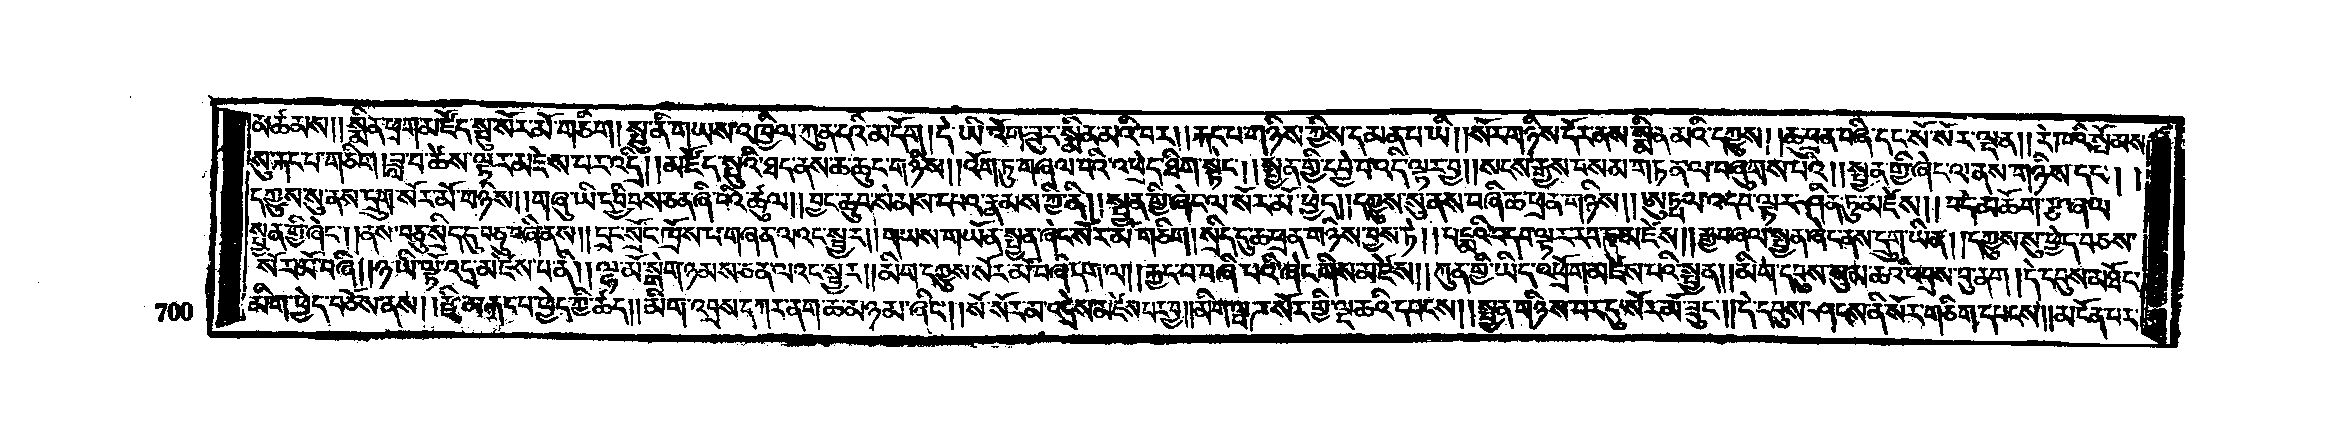མཚམས། །སྨིན་ཕྲག་མཛོད་སྤུ་སོར་མོ་གཅིག །སྤུ་ནི་གཡས་འཁྱིལ་ཀུན་དའི་མདོག །དེ་ཡི་འོག་ཟུར་སྨིན་མའི་བར། །རྐང་པ་གཉིས་ཀྱིས་དམན་པ་ཡི། །སོར་གཉིས་དོར་ནས་སྨིན་མའི་དཀྱུས། །ཆ་ཕྲན་བཞི་དང་སོ་སོར་ལྡན། །རེ་ཁའི་སྤོམས་
སུ་རྐང་པ་གཅིག །ཟླ་བ་ཚེས་ལྟར་མཇེས་པར་འདྲི། །མཛོད་སྤུའི་ཐད་ནས་ཆ་ཆུང་གཉིས། །འོག་ཏུ་གཞལ་བའི་འཕྲེད་ཐིག་སྟེང་། །སྤྱན་གྱི་དབྱེ་བ་འདི་ལྟར་བྱ། །སངས་རྒྱས་བསམ་གཏན་ལ་བཞུགས་པའི། །སྤྱན་གྱི་ཞེང་ལ་ནས་གཉིས་དང་། །
དཀྱུས་སུ་ནས་དྲུག་སོར་མོ་གཉིས། །གཞུ་ཡི་དབྱིབས་ཅན་ཞི་བའི་ཚུལ། །བྱང་ཆུབ་སེམས་དཔའ་རྣམས་ཀྱི་ནི། །སྤྱན་གྱི་ཞེང་ལ་སོར་མོ་ཕྱེད། །དཀྱུས་སུ་ནས་བཞི་ཆ་ཕྲན་གཉིས། །ཨུཏྤལ་འདབ་ལྟར་ཤིན་ཏུ་མཛེས། །བདེ་མཆོག་རྩ་ཞལ་
སྤྱན་གྱི་ཞེང་། །ནས་བཅུ་སྲིད་དུ་བཅུ་བཞི་ནས། །དྲང་སྲོང་ཁྲོས་པ་གཞན་ལའང་སྦྱར། །གཡས་གཡོན་སྤྱན་ཞེང་སོར་མོ་གཅིག །སྲིད་དུ་ཆ་ཕྲན་གཉིས་བྱས་ཏེ། །པདམའི་འདབ་ལྟར་རབ་ཏུ་མཛེས། །རྒྱ་བཞལ་སྤྱན་ཞེང་ནས་དྲུག་ཡིན། །དཀྱུས་སུ་ཕྱེད་བཅས་
སོར་མོ་བཞི། །ཉ་ཡི་ལྟོ་འདྲ་མཛེས་པ་ནི། །ལྷ་མོ་སྒེག་ཉམས་ཅན་ལའང་སྦྱར། །མིག་དཀྱུས་སོར་མོ་བཞི་དག་ལ། །རྐྱང་པ་བཞི་པའི་ཞེང་གིས་མཛེས། །ཀུན་གྱི་ཡིད་འཕྲོག་མཛེས་པའི་སྤྱན། །མིག་དབུས་སུམ་ཆའི་འབྲས་བུ་ནག །དེ་དབུས་མཐོང་
མིག་ཕྱེད་བཅོས་ནས། །རྫི་མ་རྐང་པ་ཕྱེད་ཀྱི་ཚད། །མིག་འབྲས་དཀར་ནག་ཆ་མཉམ་ཞིང་། །སོ་སོར་མ་འདྲེས་མཛེས་པར་བྱ། །མིག་ལྤགས་སོར་གྱི་ལྔ་ཆའི་དཔངས། །སྤྱན་གཉིས་བར་དུ་སོར་མོ་ཟུང་། །དེ་དབུས་ཤངས་ནི་སོར་གཅིག་དཔངས། །མངོན་པར་